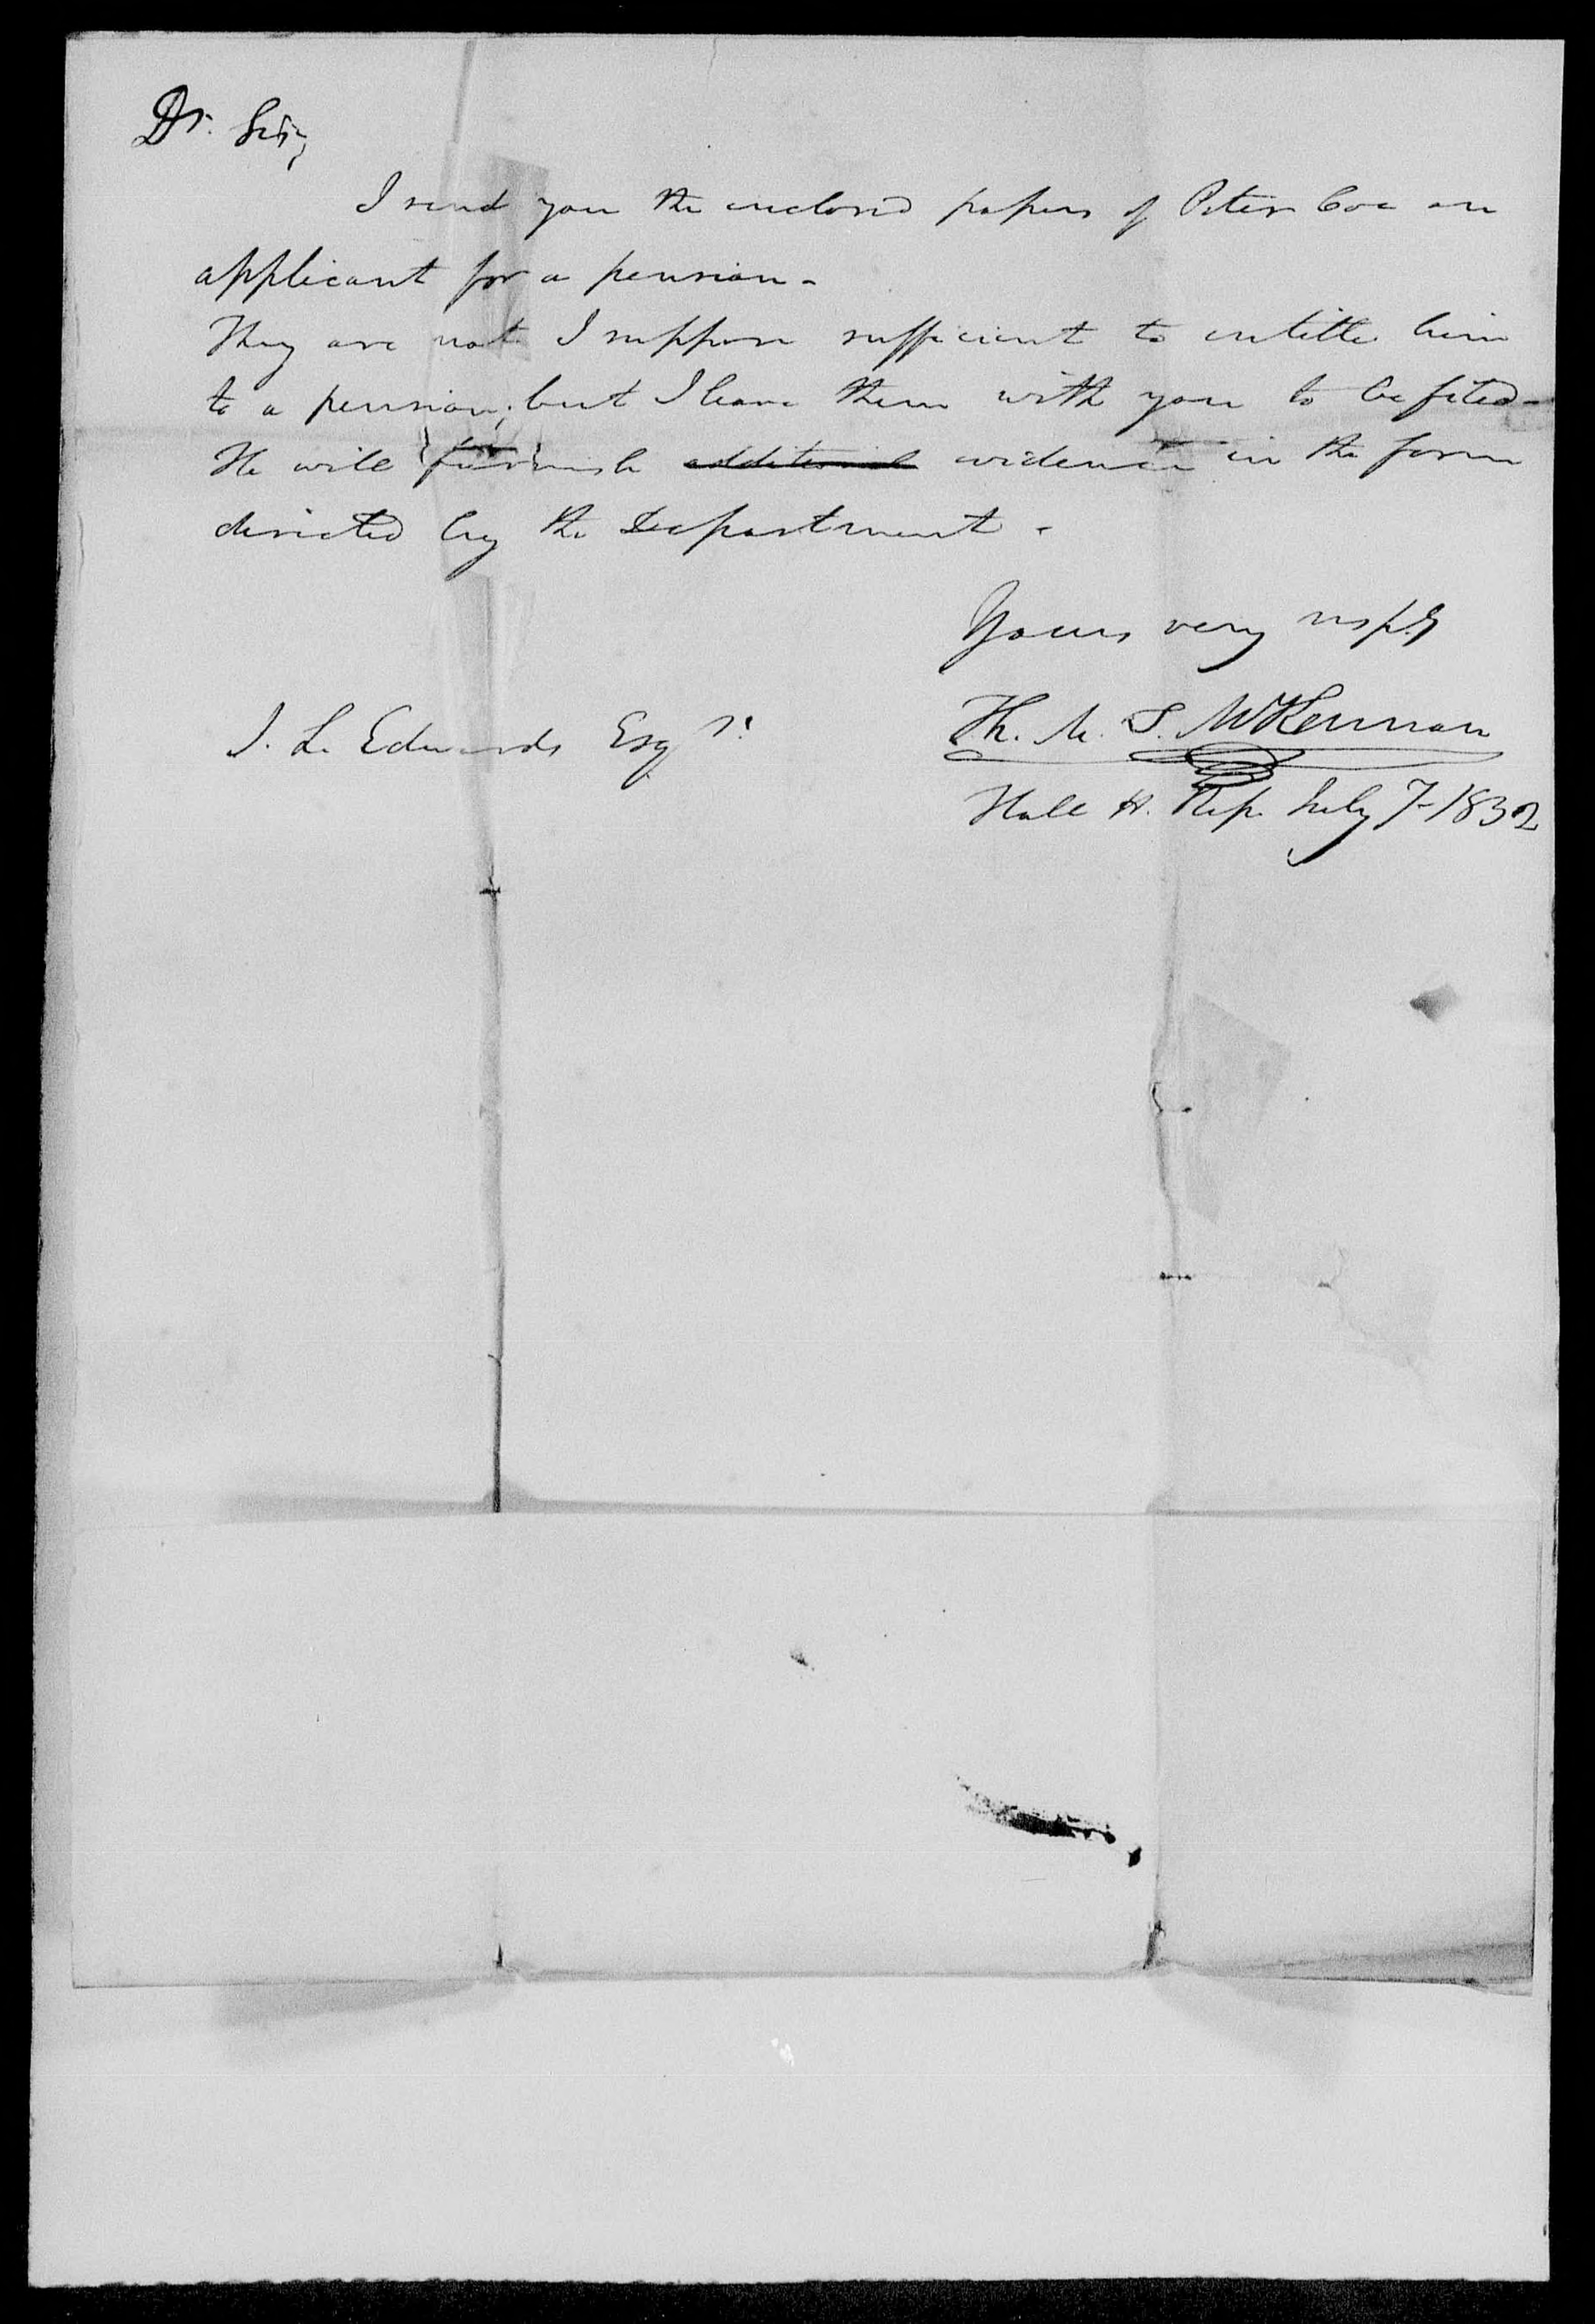Dr Sir;
I send you the enclosed papers of Peter Coe an applicant for a pension. 
Theu are not I suppose sufficient to entitle him to a pension, but I have them with you to be filed. We will furnish additional evidence in the form directed by the Department. 
Yours very resps.
Th. M. T. McKennan
Hall of Rep July 7, 1832

J. L. Edwards. Esqr:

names: J L Edwards, Peter Coe, Th M T Mc Kennan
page: 13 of 23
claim: survivor's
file: S. 3167, Peter Coe, New Jersey Penn.